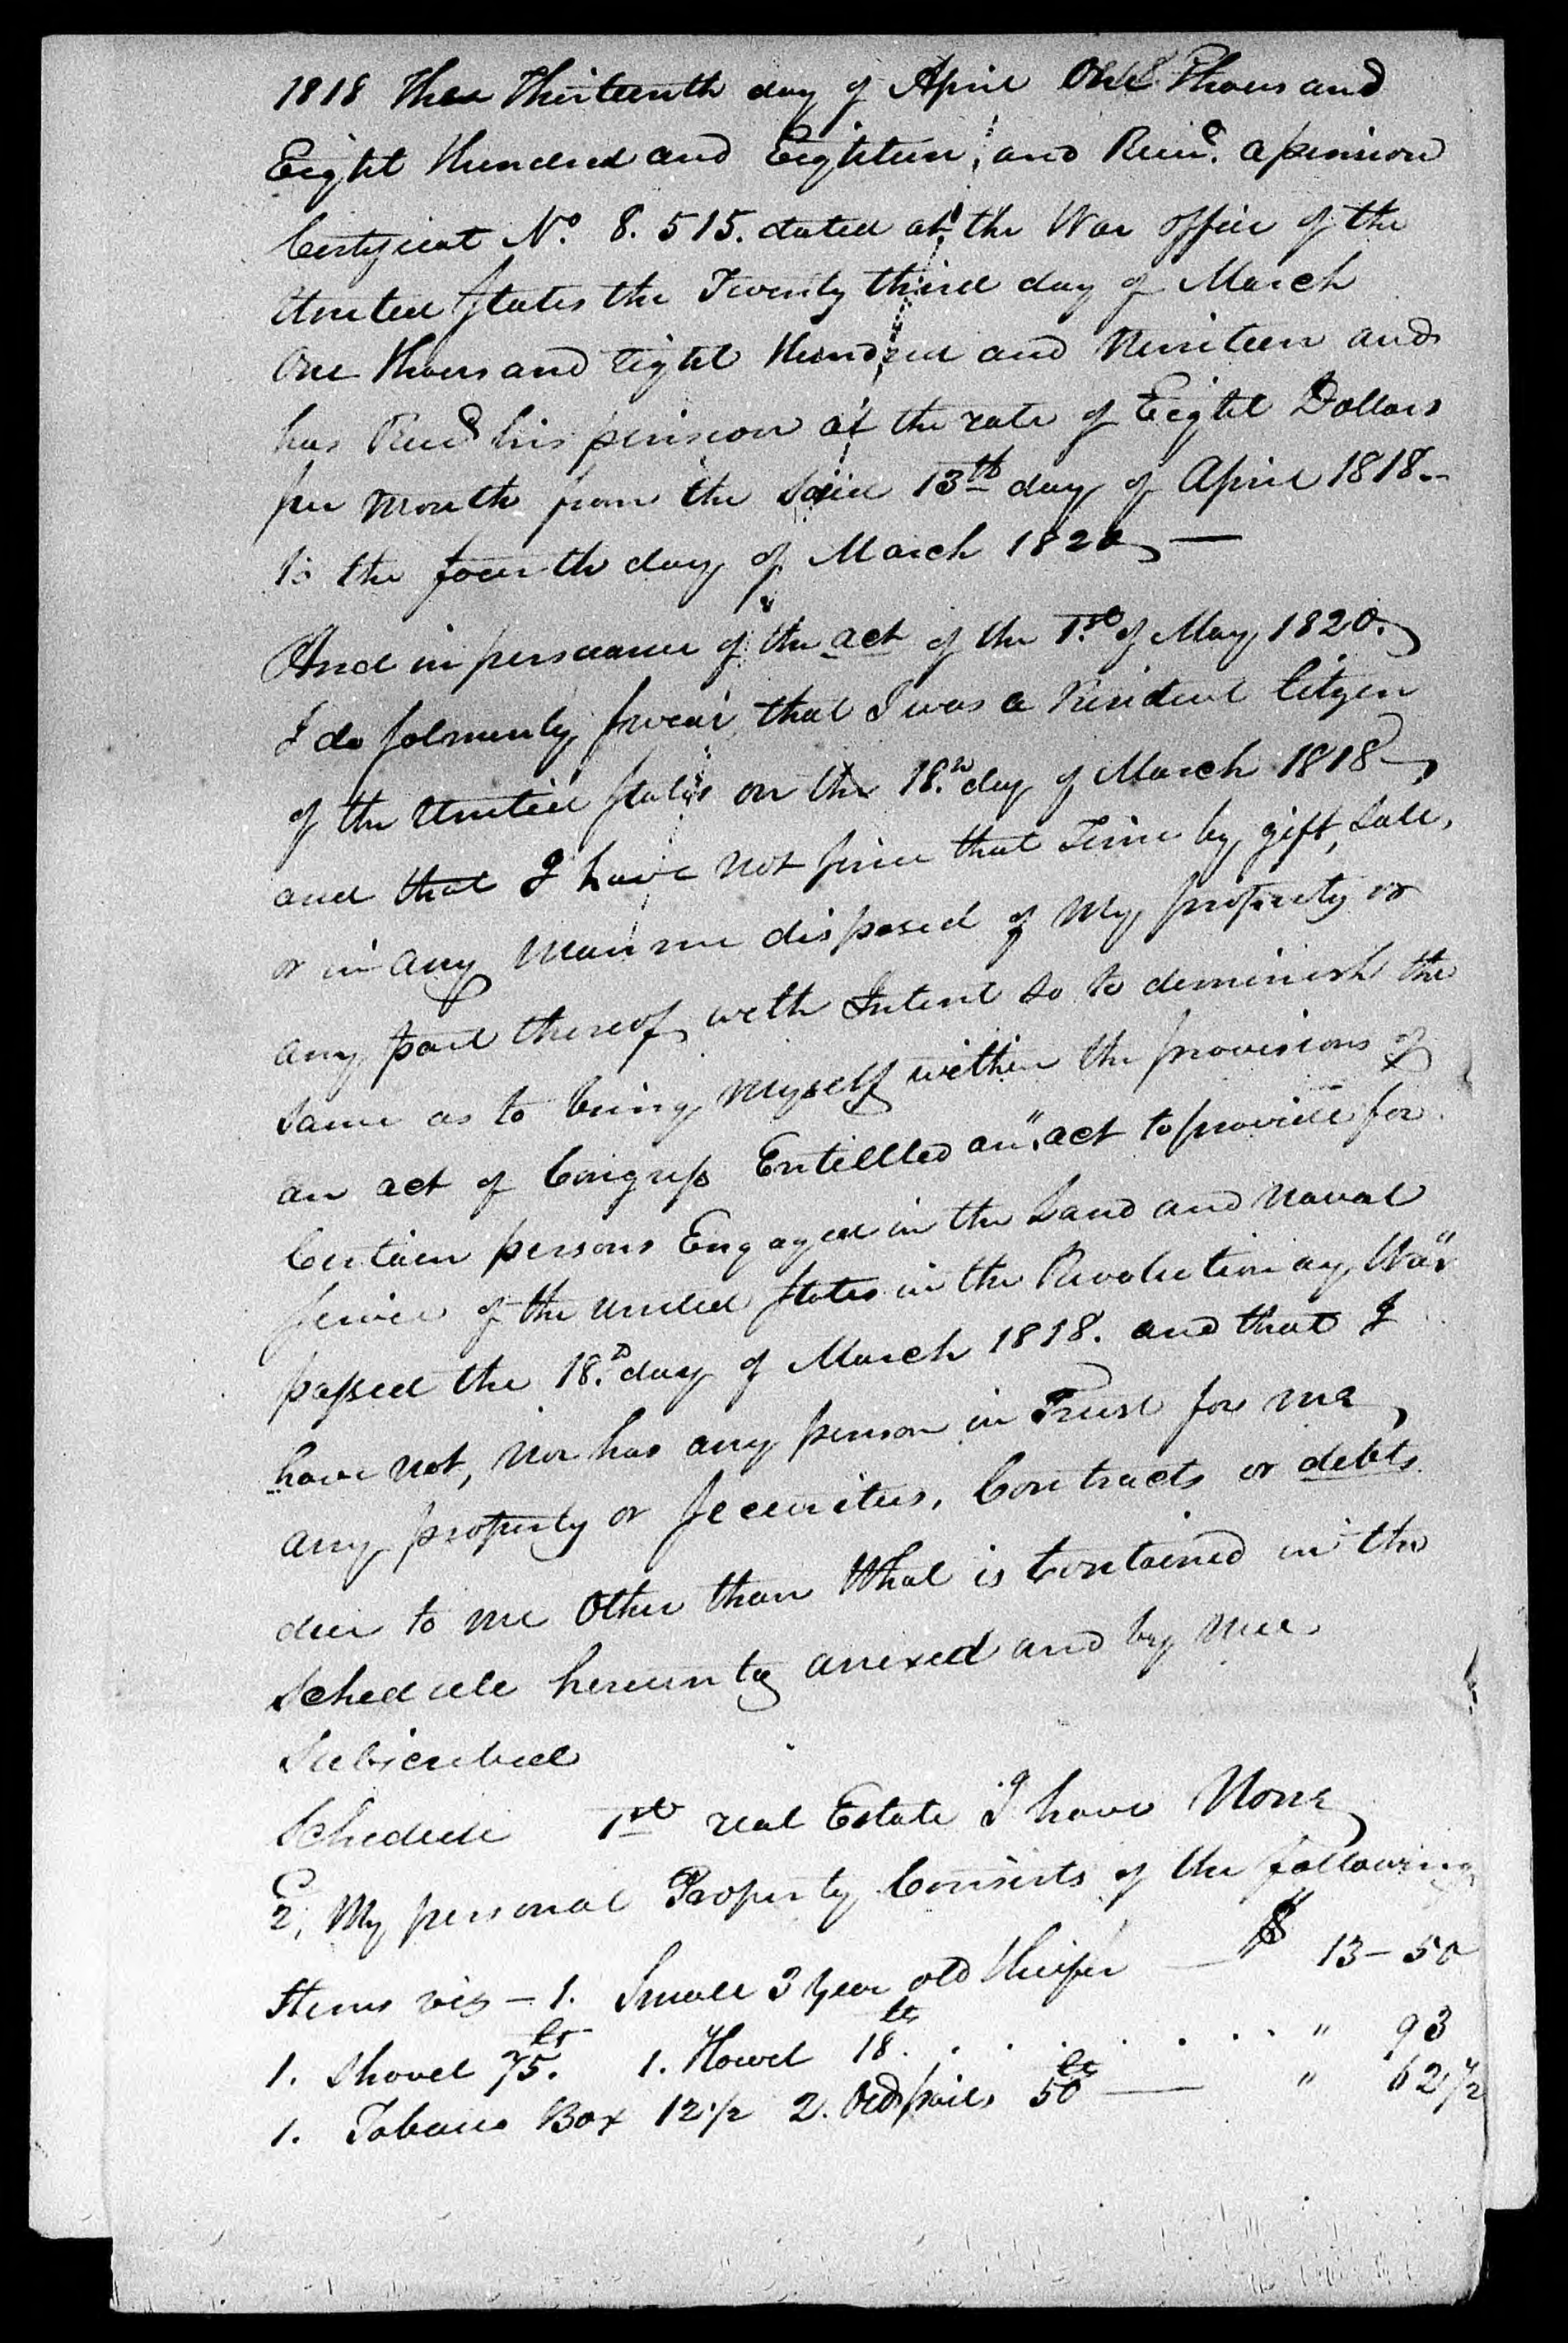1818 the thirteenth day of April one thousand eight hundred and eighteen and (unintelligible) a pension certificate No. 8.515. dated at the war office of the United States the twenty third day of March one thousand eight hundred and nineteen and has [unintelligible] his pension at the rate of Eight Dollars per month from the [unintelligible] 13th day of April 1818... to the fourth day of March 1820, ___
And in persuance of the act of the 1st of May 1820, I do solemnly swear that I was a Resident Citizen of the United States on the 18th day of March 1818, and that I have not since that time by gift, sale, or in any [unintelligible] disposed of my property of any part thereof, with intent so to  diminish the same as to bring myself within the provisions of an act of [unintelligible] Entitled, "an act to provide for Certain persons Engaged in the land and naval service of the United States in the Revolutionary War" passed the 18th day of March 1818, and that I have not , nor has any person in trust for me, any property or securities, contract or debts due to me other than what is contained in the schedule herein ly arrived and by [unintelligible] subscribed
Schedule 1st real estate I have none, my personal property consists of the following items [unintelligible] 1. female 3 year old Heifer $13-50
1. Shovel 75.  1. Howell 18........" 93
1. Tobacco Box 12 1/2  2.[unintelligible] 50 "62/2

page: 4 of 60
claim: widow's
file: W 16,955, Samuel Dickinson, Conn.